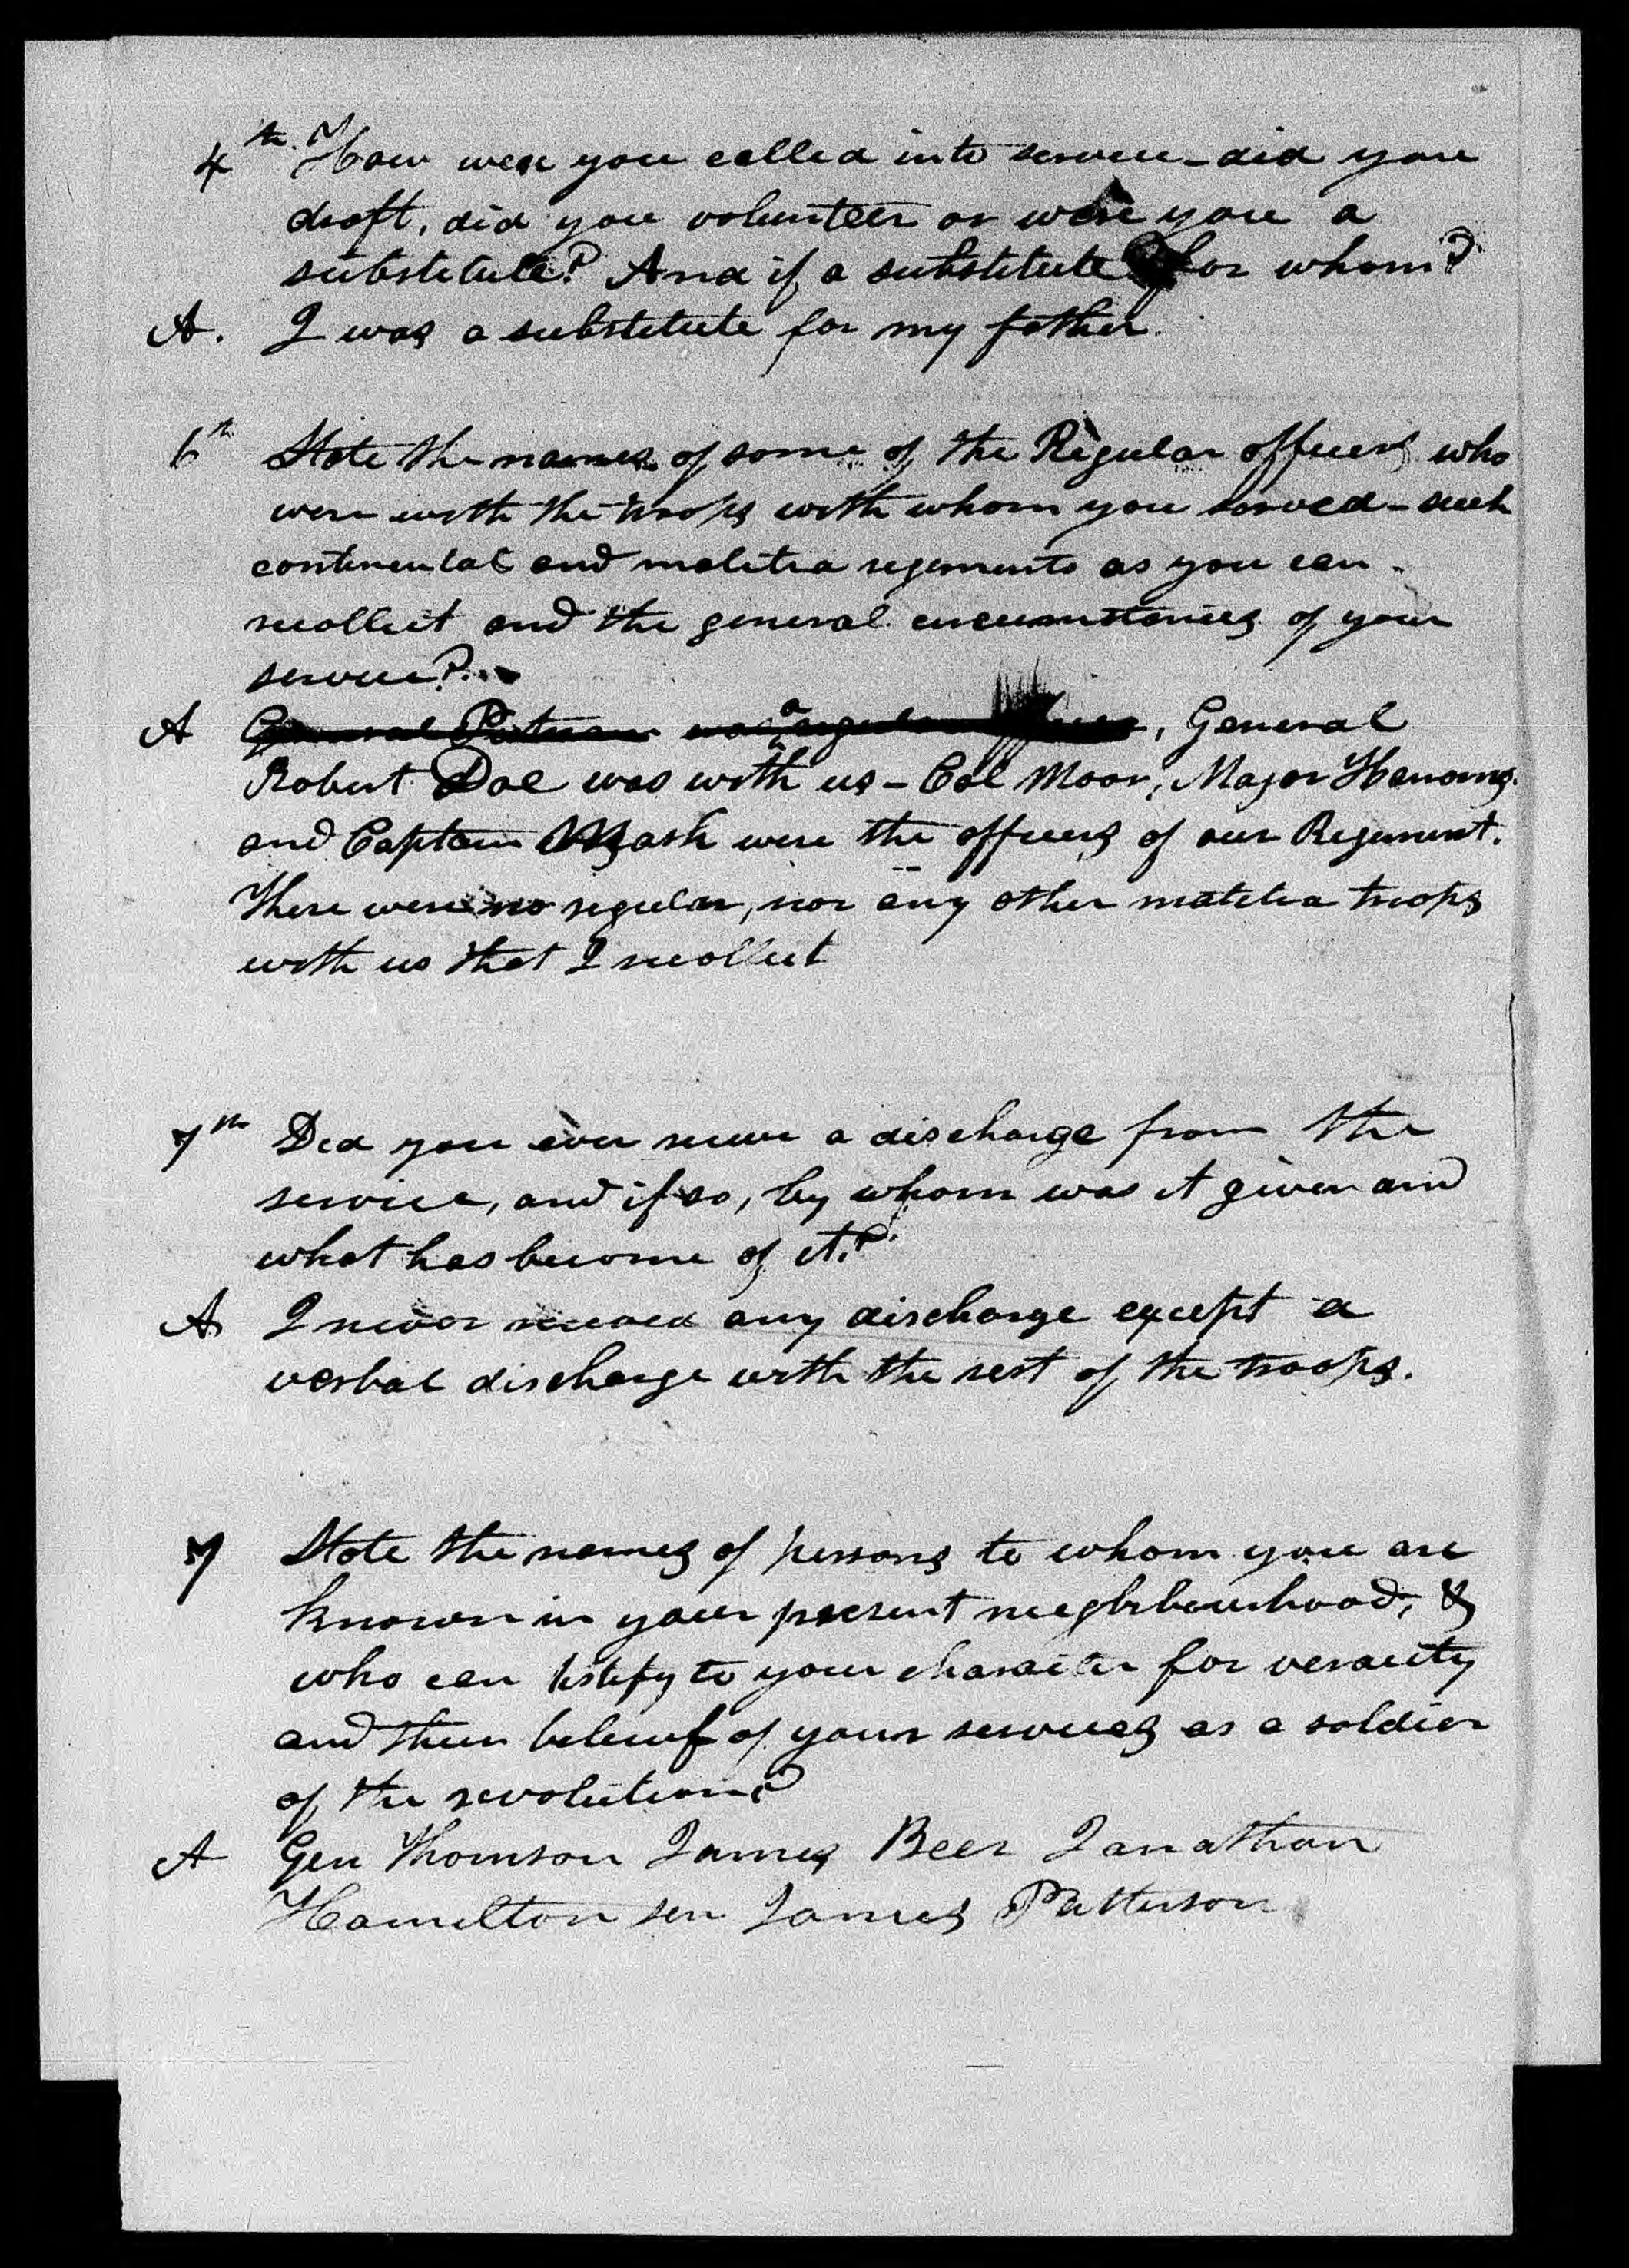4th: How were you called into service? did you draft? did you volunteer or were you a substitute? And if a substitute for whom?   A:  I was a substitute for my father

6th:  State the names of some of the Regular officers who were with the troops with whom you served such continental and militia regiments as you can recollect and the general circumstances of your service?   A:  General Robert Doe was with us.  Col Moor, Major Hansing, and Captain Work were the offiders of our Regiment.  There were no regular not any other militia troops with us that I recollect

7th:  Did you ever receive a discharge from the service, and if so, by whom was it given and what has become of it?    A:  I never received any discharge except a verbal discharge with the rest of the troops.

7.  State the names of persons to whom you are known in your present neighbourhood & who can testify to your character for veracity and their belief of your services as a soldier of the revolution?  A: Gen Thomson, James Beer, Jonathan Hamilton, James Patterson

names: [BLANK] Henoms; James Beer; Jonathan Hamilton; [BLANK] Mash; [BLANK] Moor; Robert Doe; James Patterson; [BLANK] Thomson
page: 5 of 16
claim: survivor's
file: S. 2764, for James Mc Clellan, Pennsylvania